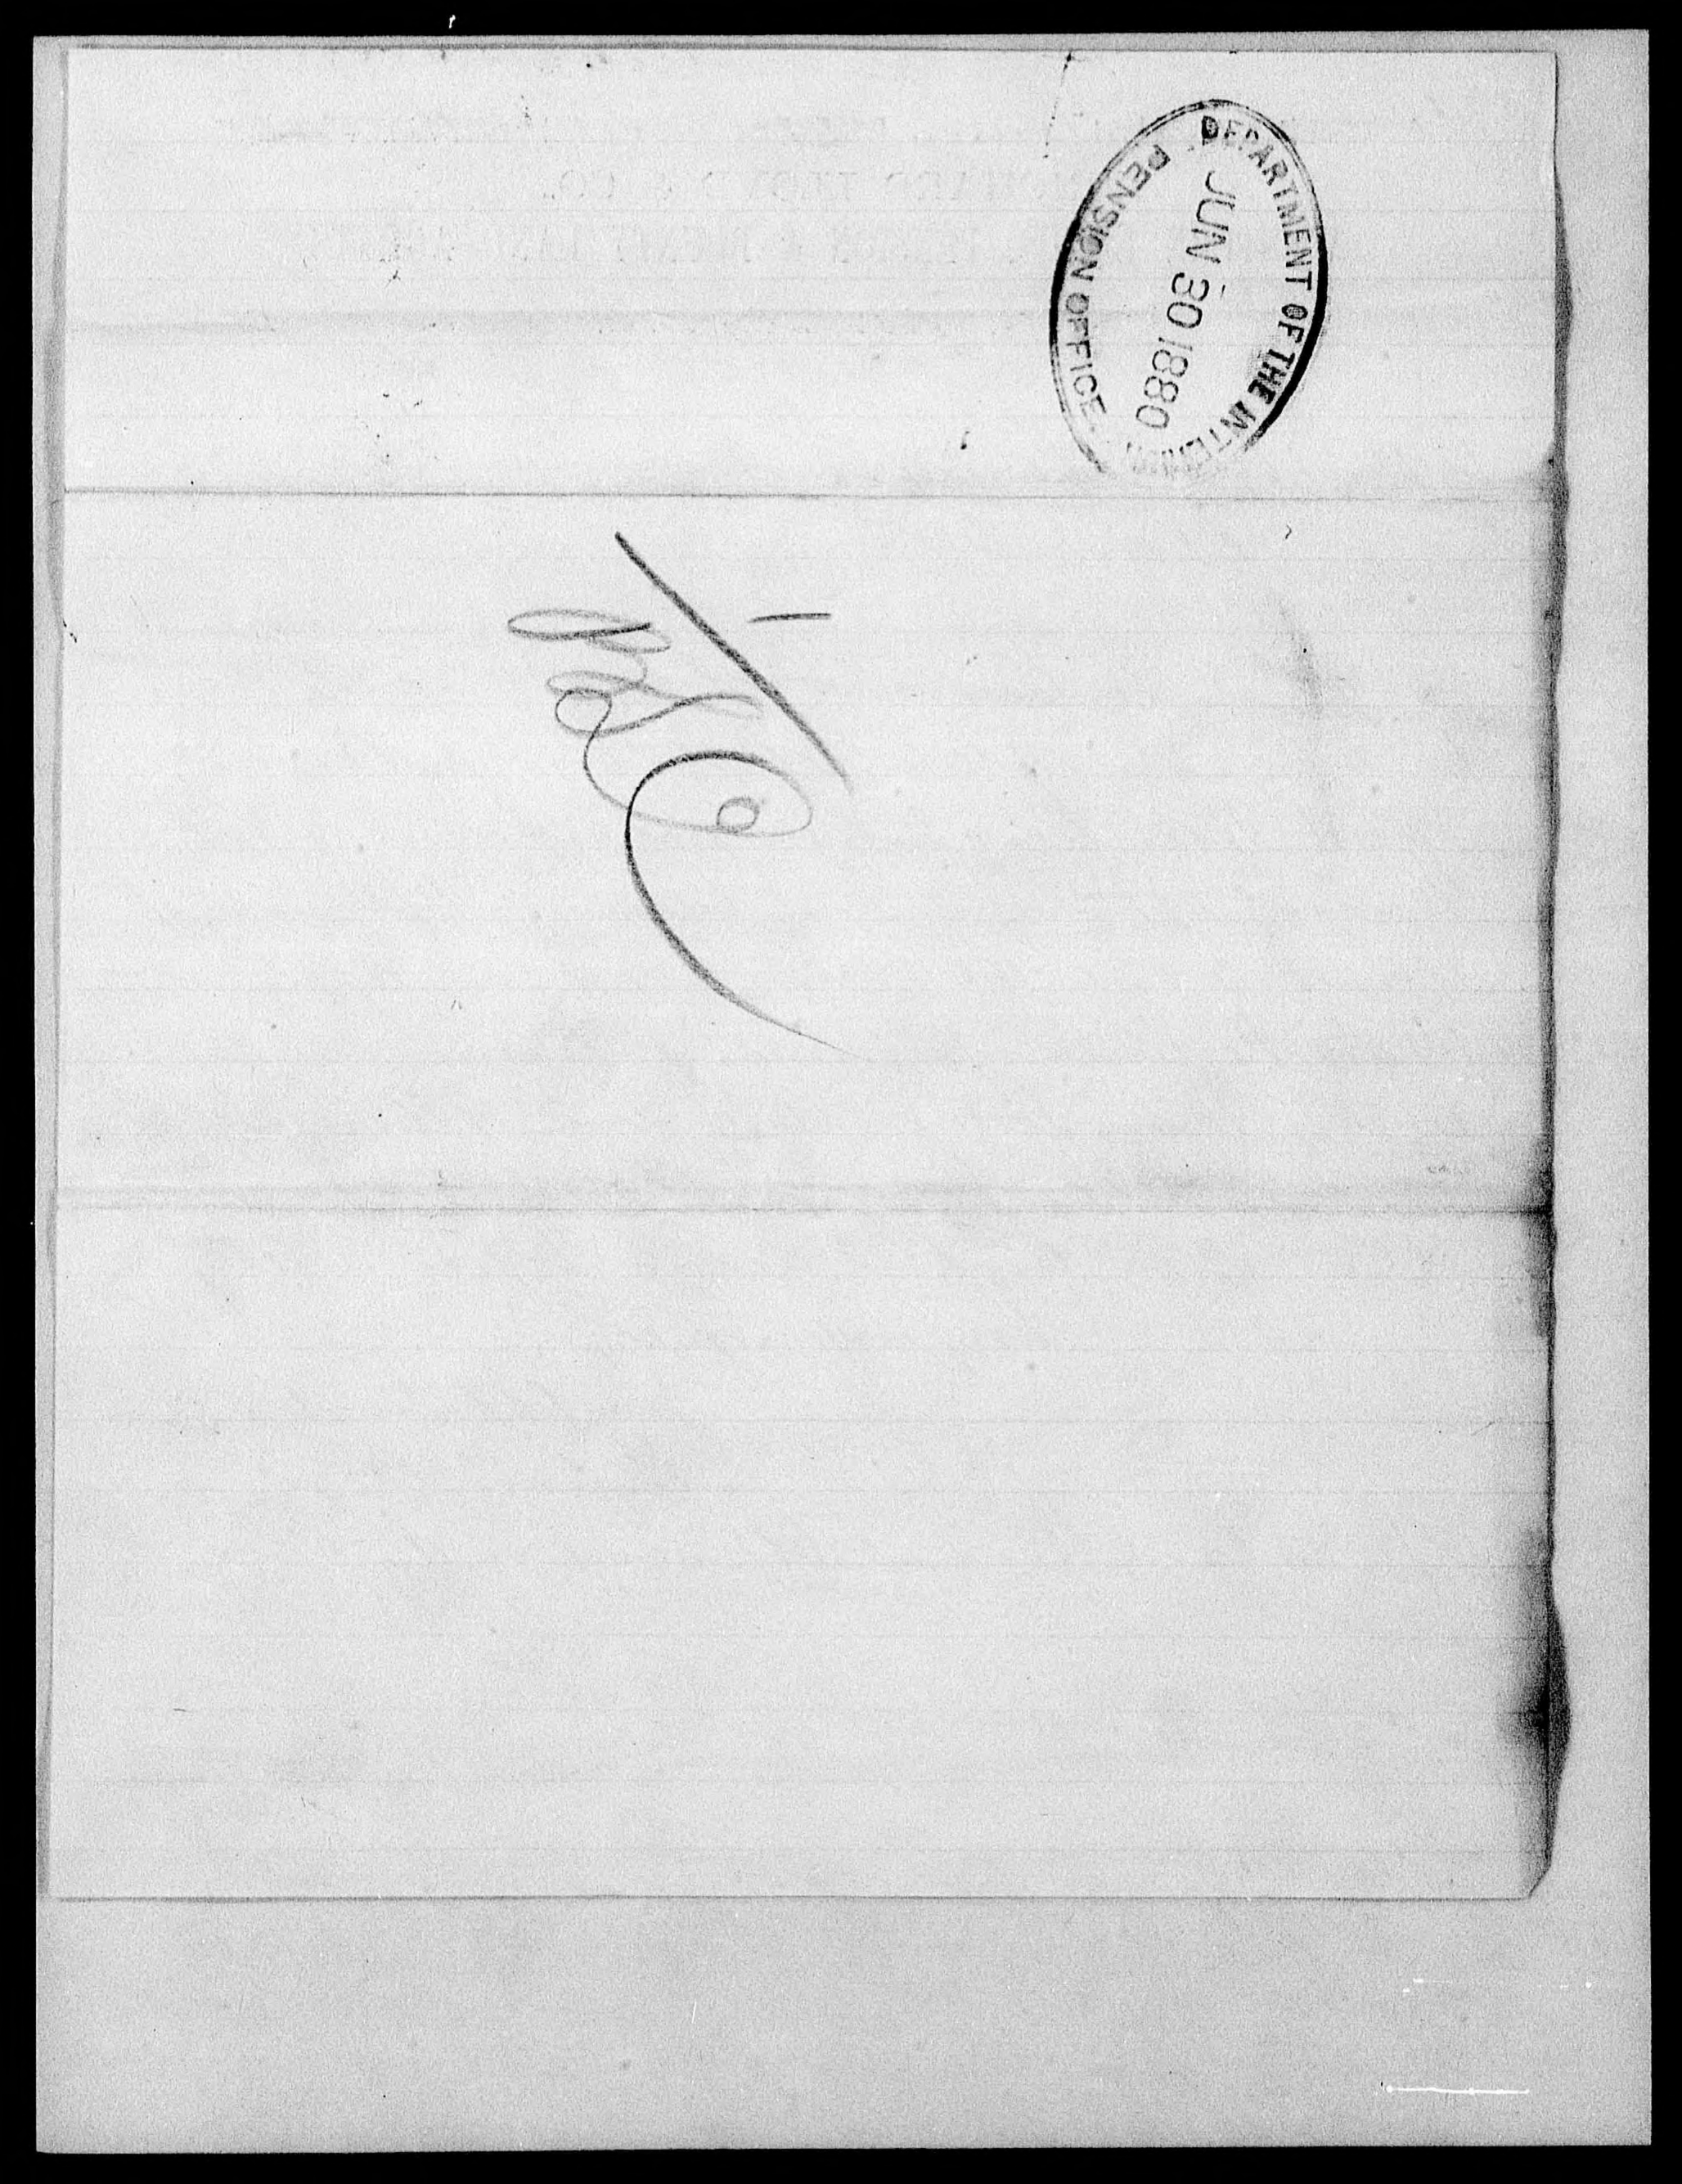[Department time stamp]
DEPARTMENT OF THE INTERIOR
PENSION OFFICE
JUN 30 1880
[End stamp]
1
[Line]
BLC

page: 21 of 50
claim: widow's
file: W. 1929, for Lloyd Portwood, Virginia